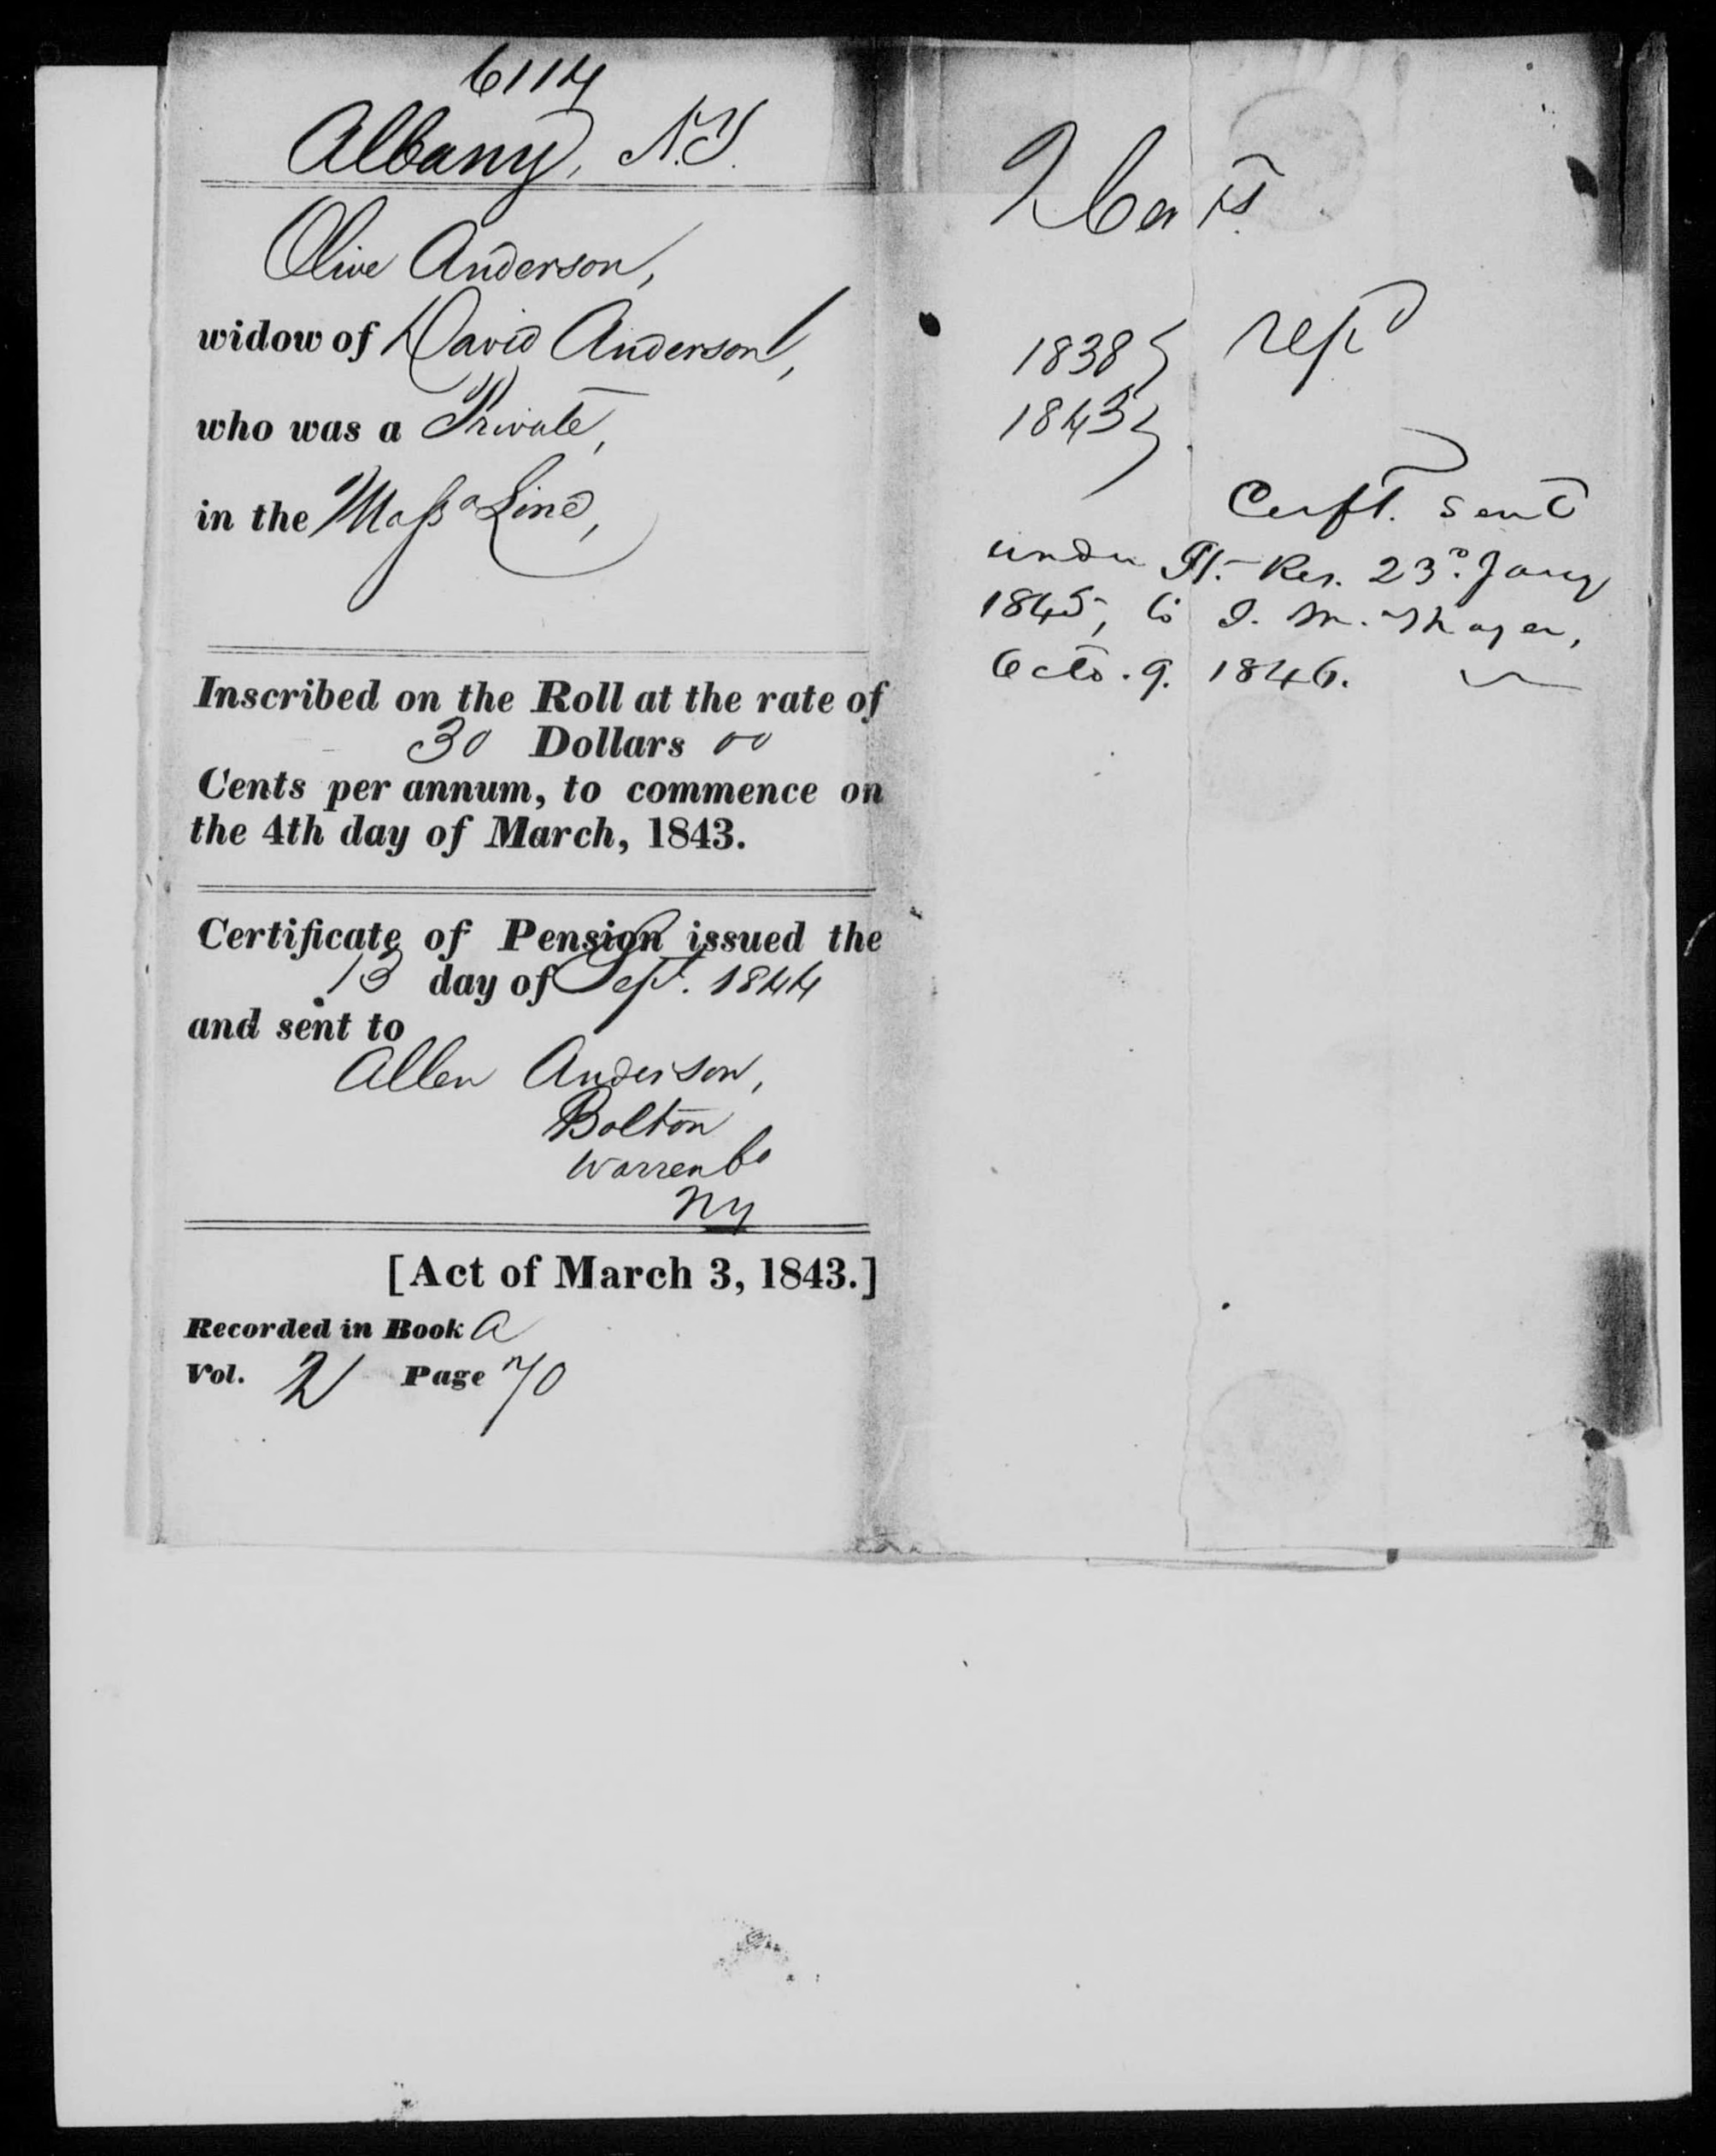[page 1]
6114
Albany, N.Y.
Olive Anderson,
widow of David Anderson
who was a Private
in the Mass Line,
Inscribed on the Roll at the rate of
30 Dollars 00
Cents per annum, to commence on
the 4th day of March, 1843.
Certificate of Pension issued the
13 day of Sept. 1844
and sent to
Allen Anderson
Bolton
Warren Co
NY
Act of March 1843
Recorded in Book A
Vol 2 Page 70

[page 2]
[illegible is?]
1838  repd
1843
Certft. sent
under St. Res. 23d Jany
1845, To J. M. Thayer
Oct. 9. 1846.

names: Olive Anderson, Allen Anderson, David Anderson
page: 22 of 39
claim: widow's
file: W. 20624, David Anderson, Mass